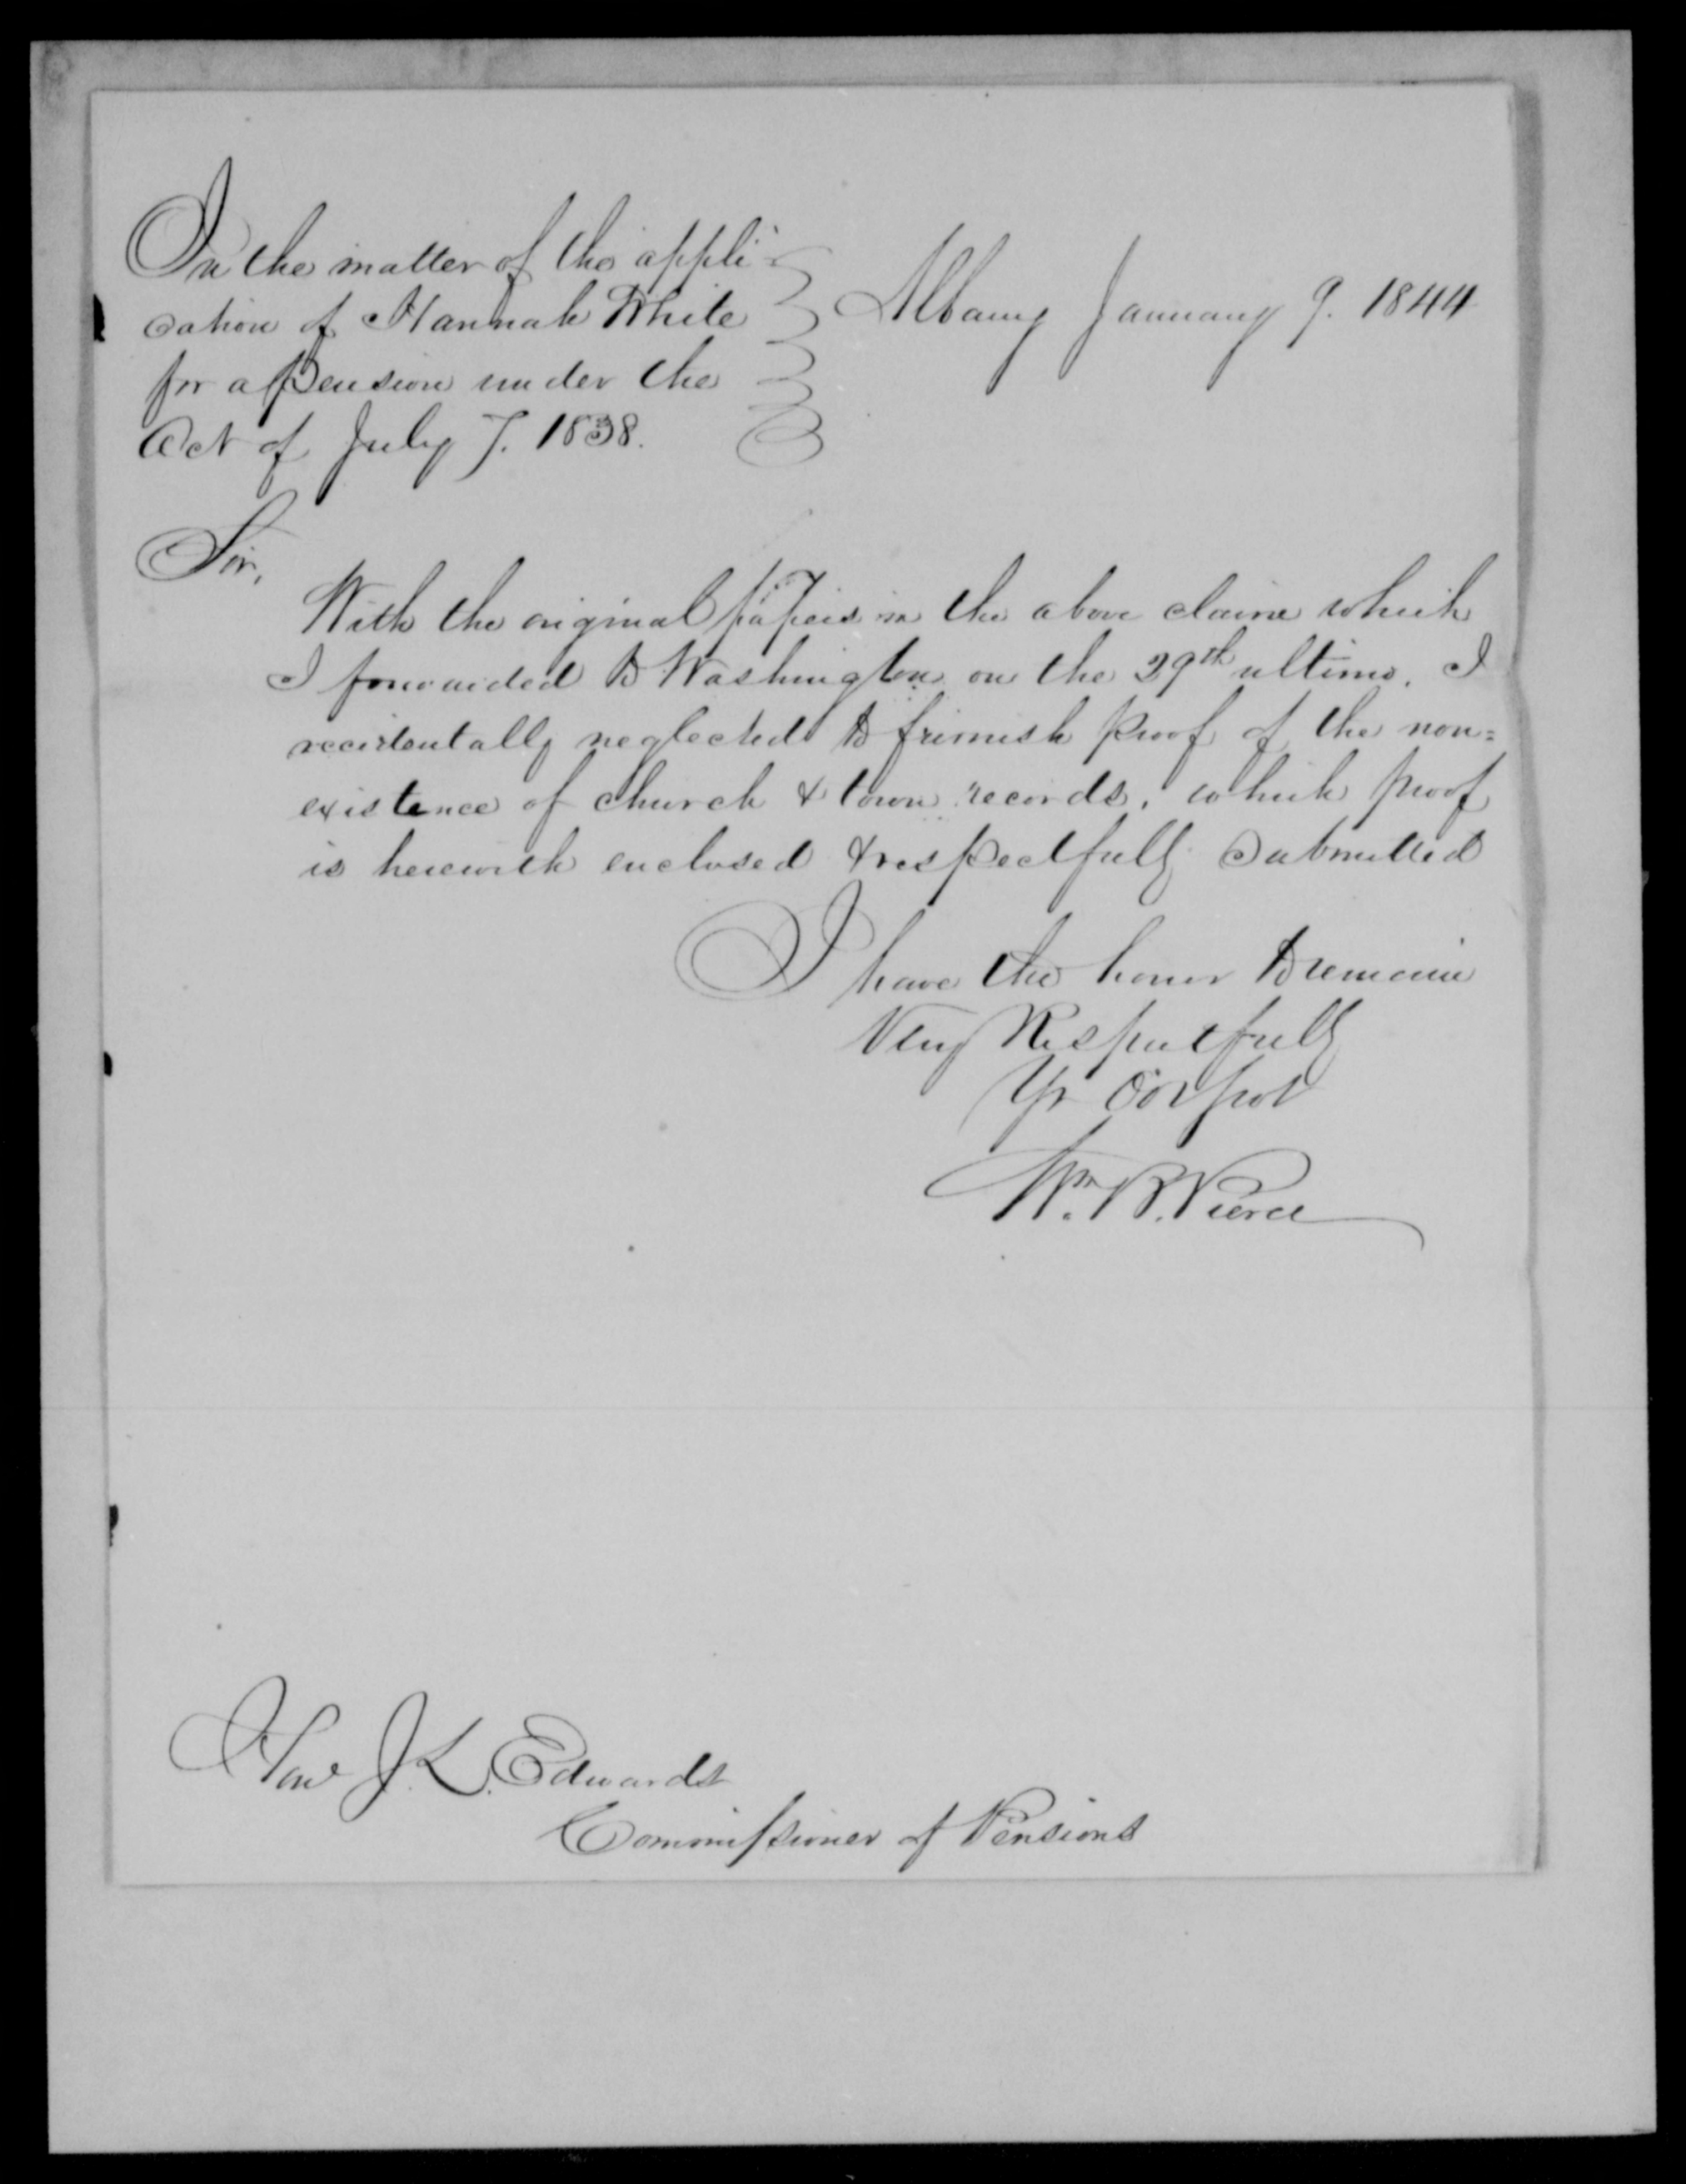In the matter of the application of Hannah White for a pension under the Act of July 7, 1838}

Albany January 9, 1844

Sir, With the original paper in the above claim which I forwarded to Washington on the 29th ultimo, I accidently neglected to furnish proof of the [] existence of Church & town records, which proof is herewith enclosed & respectfully submitted.

I have the honor to remain Very Respectfully Yr Obt Serv

Wm. B Pierce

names: J L Edwards, Hannah White, Wm B Pierce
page: 51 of 63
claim: widow's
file: W. 18403, David White, Conn.